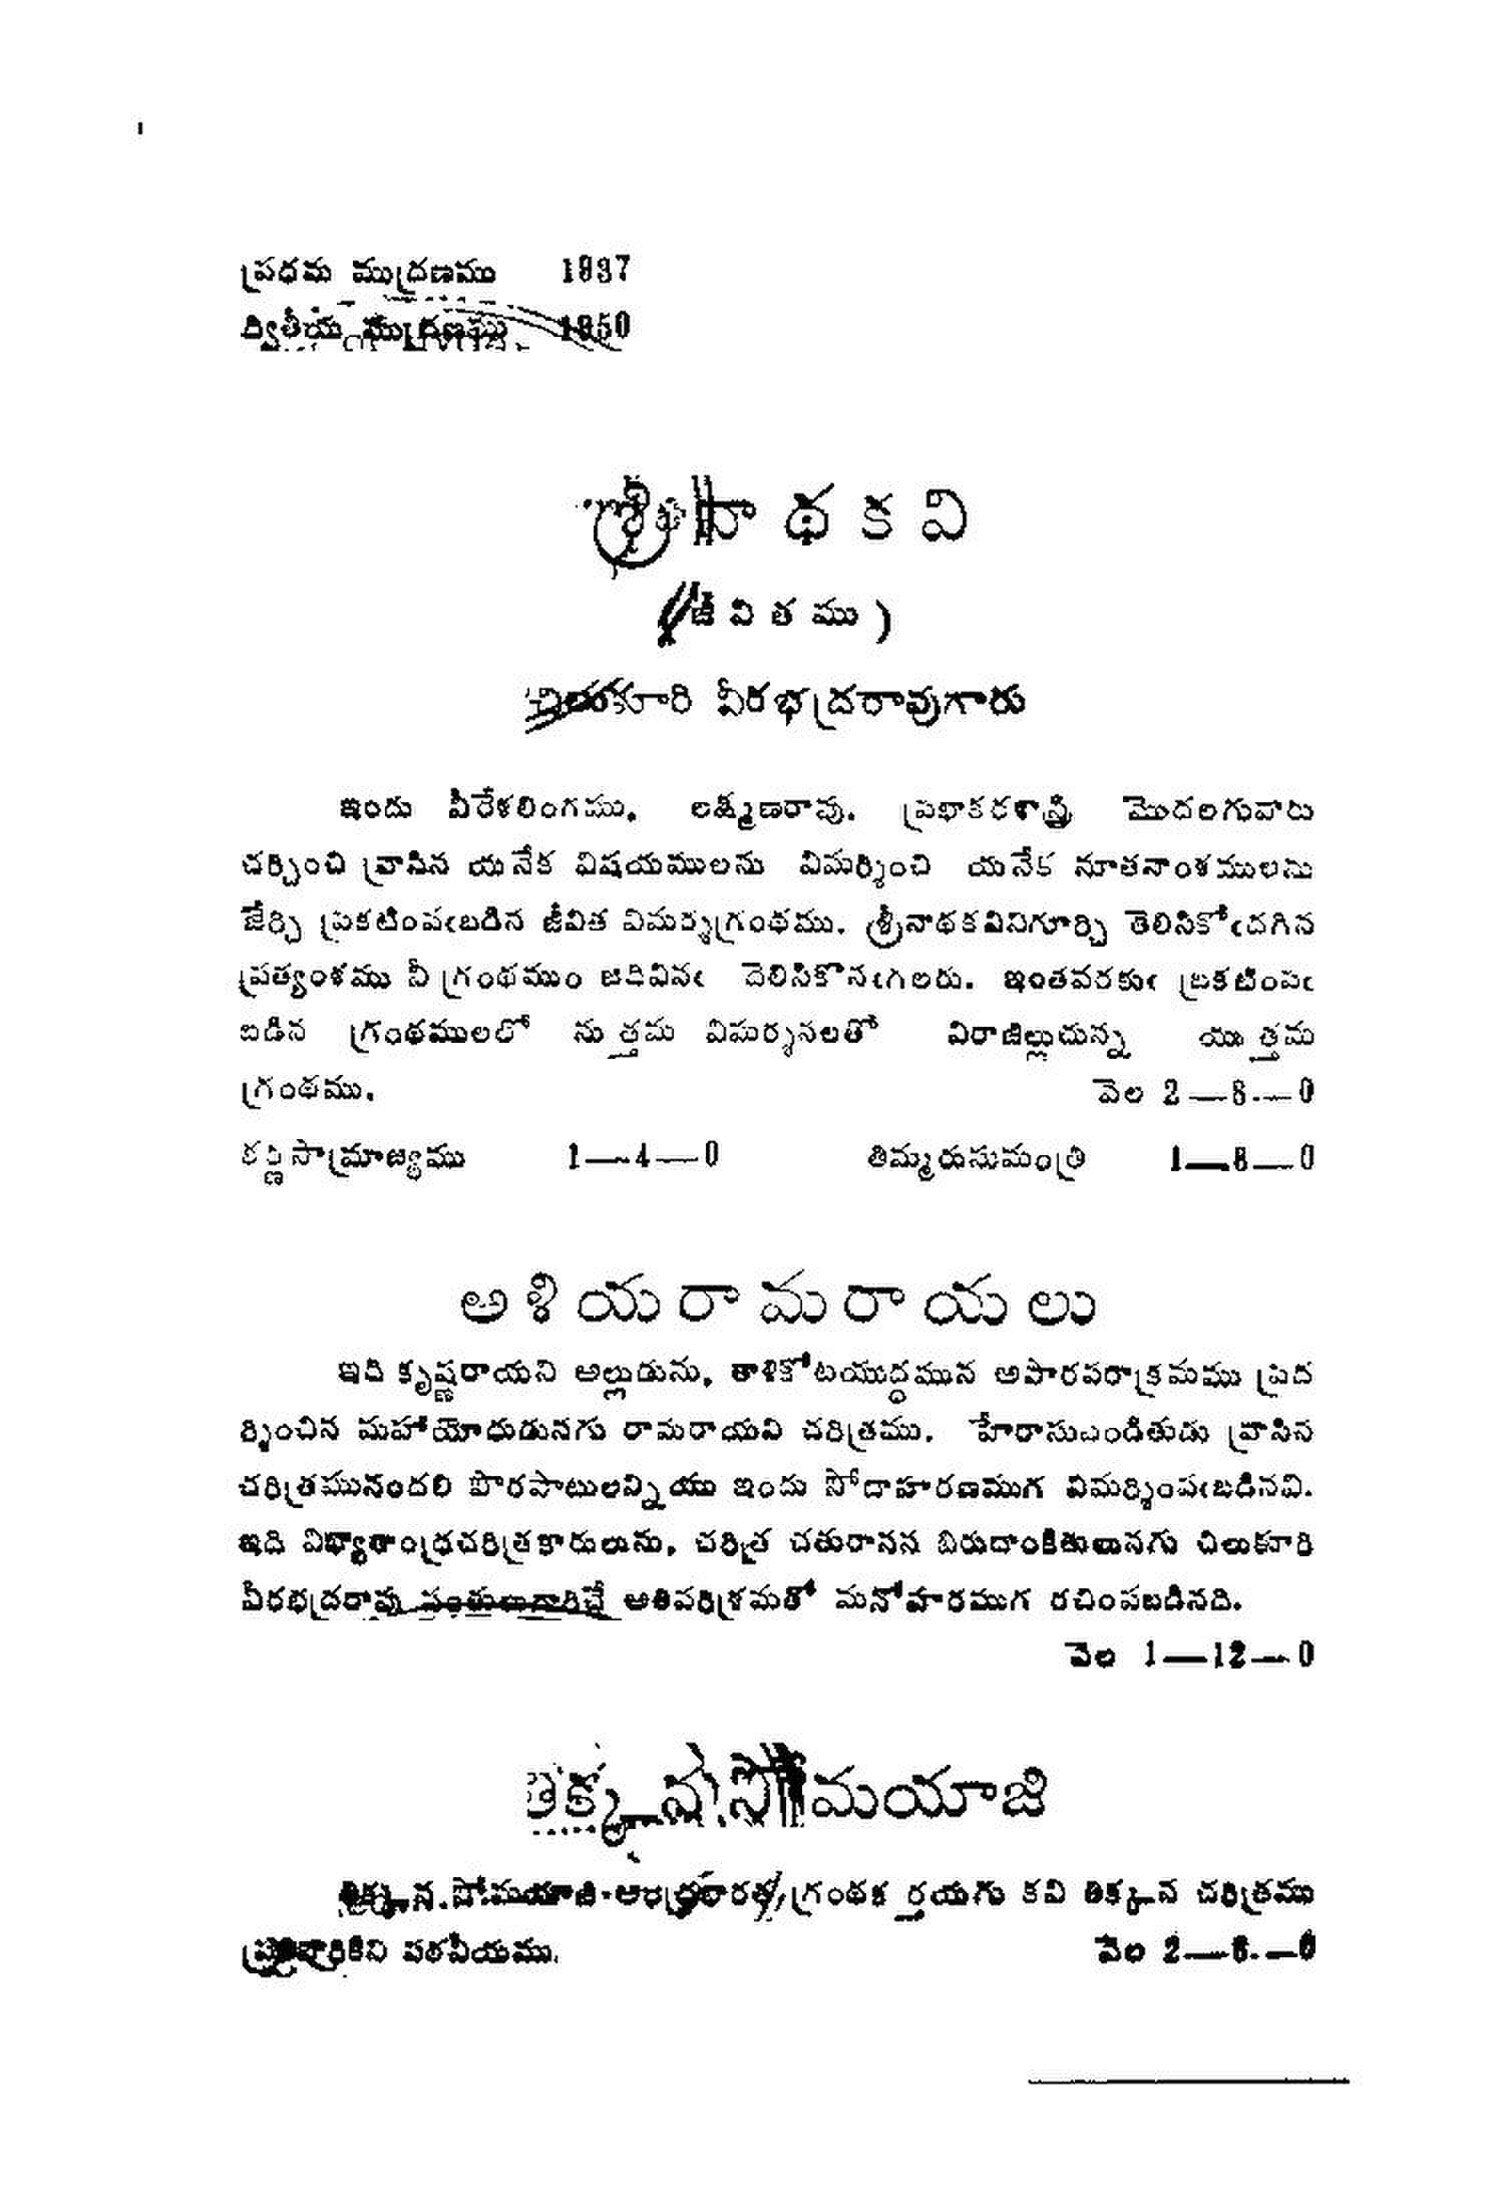శ్రీనాథకవి
(జీవితము)
చిలుకూరి వీరభద్రరావుగారు

ఇందు వీరేశలింగము. లక్ష్మణరావు. ప్రభాకరశాస్త్రి మొదలగువారు చర్చించి వ్రాసిన యనేక విషయములను విమర్శించి యనేక నూతనాంశములను జేర్చి ప్రకటింపఁబడిన జీవిత విమర్శగ్రంథము. శ్రీనాథకవినిగూర్చి తెలిసికోఁదగిన ప్రత్యంశము నీ గ్రంథముం జదివినఁ దెలిసికొనఁగలరు. ఇంతవరకుఁ ట్రకటింపఁ బడిన గ్రంథములలో నుత్తమ విమర్శనలతో విరాజిల్లుచున్న యుత్తమ గ్రంథము,
వెల 2-8--0 కర్ణసామ్రాజ్యము 1-4-0 తిమ్మరుసుమంత్రి 1-8-0

అళియరామరాయలు 

ఇది కృష్ణరాయని అల్లుడును, తాళికోటయుద్ధమున అపారపరాక్రమము ప్రదర్శించిన మహాయోధుడునగు రామరాయని చరిత్రము. హేరాసుబండితుడు వ్రాసిన చరిత్రమునందలి పొరపాటులన్నియు ఇందు సోదాహరణముగ విమర్శింపఁబడినవి. ఇది విఖ్యాతాంధ్రచరిత్రకారులును, చరిత్ర చతురానన బిరుదాంకితులునగు చిలుకూరి వీరభద్రరావు పంతులుగారిచే ఆతిపరిశ్రమతో మనోహరముగ రచింపబడినది. వెల1-12-0

తిక్కనసోమయాజి

తిక్కనసోమయాజి ఆంధ్రభారత, గ్రంథకర్తయగు కవి తిక్కన చరిత్రము ప్రతివారికిని పఠనీయము. వెల 2-6-0